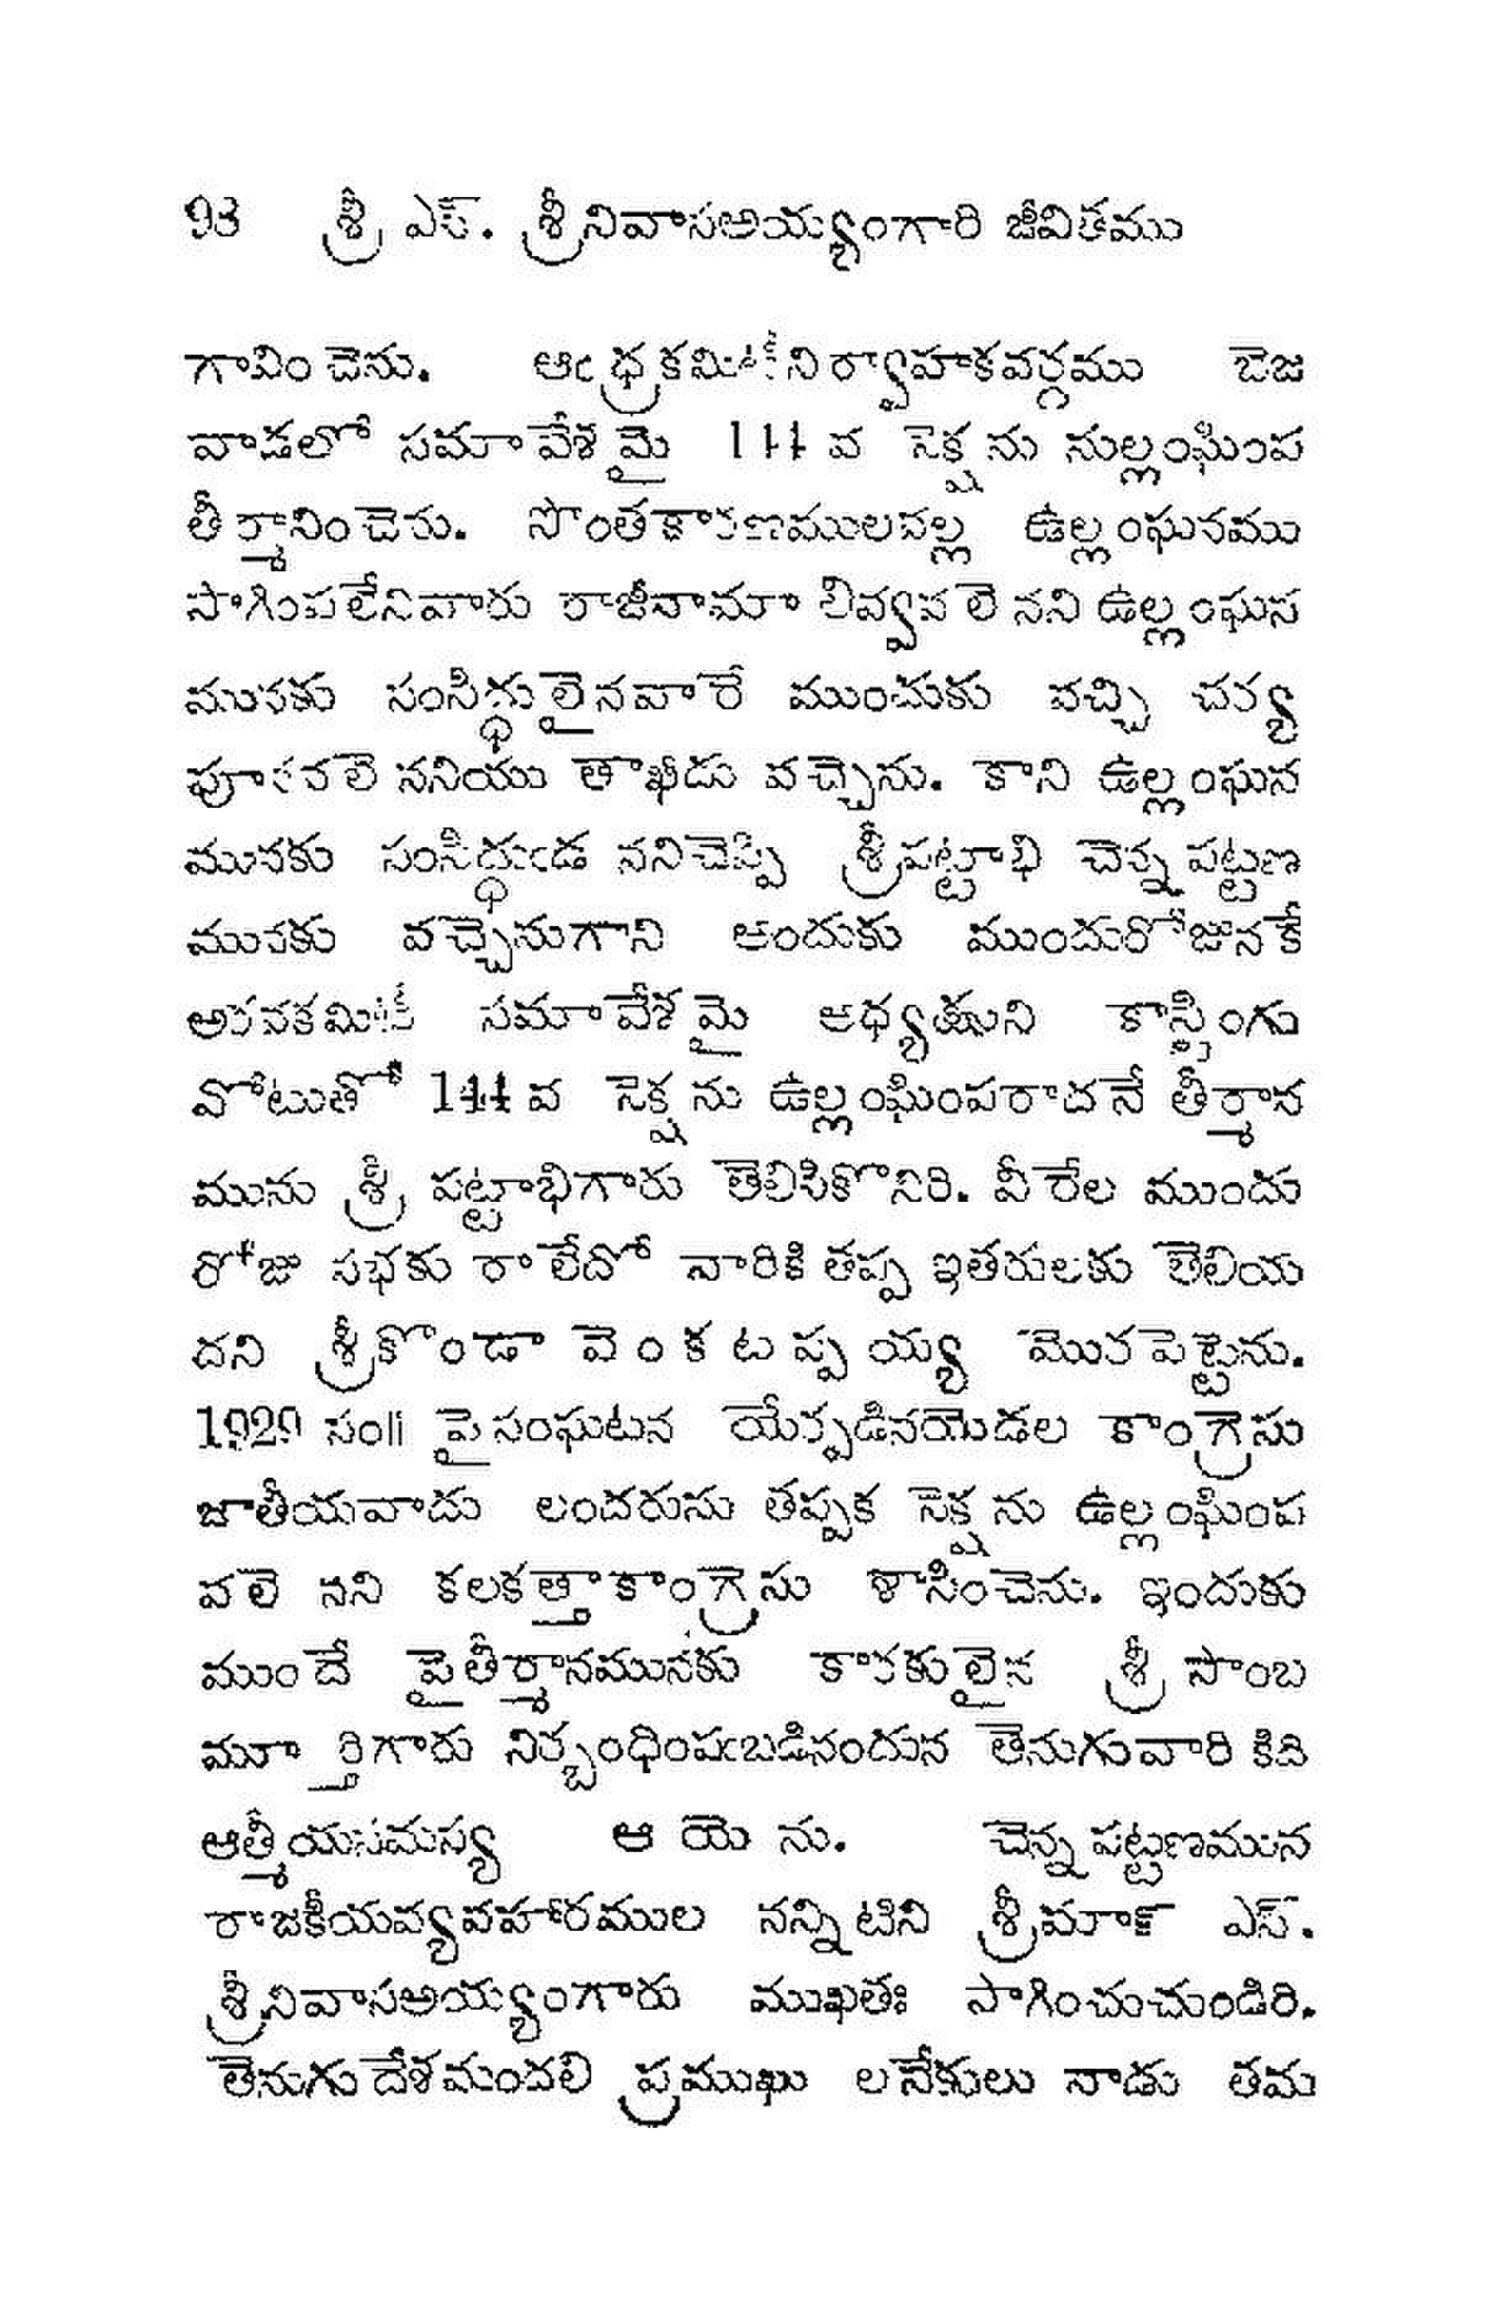గావించెను. ఆంధ్రకమిటీనిర్వాహకవర్గము బెజవాడలో సమావేశమై 144 వ సెక్షను నుల్లంఘింప తీర్మానించెను. సొంతకారణములవల్ల ఉల్లంఘనము సాగింపలేనివారు రాజీనామా లివ్వవలెనని ఉల్లంఘనమునకు సంసిద్ధులైనవారే ముంచుకు వచ్చి చర్య పూనవలె ననియు తాఖీదు వచ్చెను. కాని ఉల్లంఘనమునకు సంసిద్ధుఁడ నని చెప్పి శ్రీపట్టాభి చెన్నపట్టణమునకు వచ్చెనుగాని అందుకు ముందురోజునకే అరవకమిటీ సమావేశమై అధ్యక్షుని కాస్టింగు వోటుతో 144 వ సెక్షను ఉల్లంఘింపరాదనే తీర్మానమును శ్రీ పట్టాభిగారు తెలిసికొనిరి. వీరేల ముందురోజు సభకు రాలేదో వారికి తప్ప ఇతరులకు తెలియదని శ్రీ కొండా వెంకటప్పయ్య మొరపెట్టెను. 1929 సం|| పై సంఘటన యేర్పడినయెడల కాంగ్రెసు జాతీయవాదు లందరుసు తప్పక సెక్షను ఉల్లంఘింపవలె నని కలకత్తా కాంగ్రెసు శాసించెను. ఇందుకు ముందే పైతీర్మానమునకు కారకులైన శ్రీ సాంబమూర్తిగారు నిర్బంధింపబడినందున తెనుగువారి కిది ఆత్మీయసమస్య ఆయెను. చెన్నపట్టణమున రాజకీయవ్యవహారముల నన్నిటిని శ్రీమా౯ ఎస్. శ్రీనివాసఅయ్యంగారు ముఖతః సాగించుచుండిరి. తెనుగుదేశమందలి ప్రముఖు లనేకులు నాడు తమ